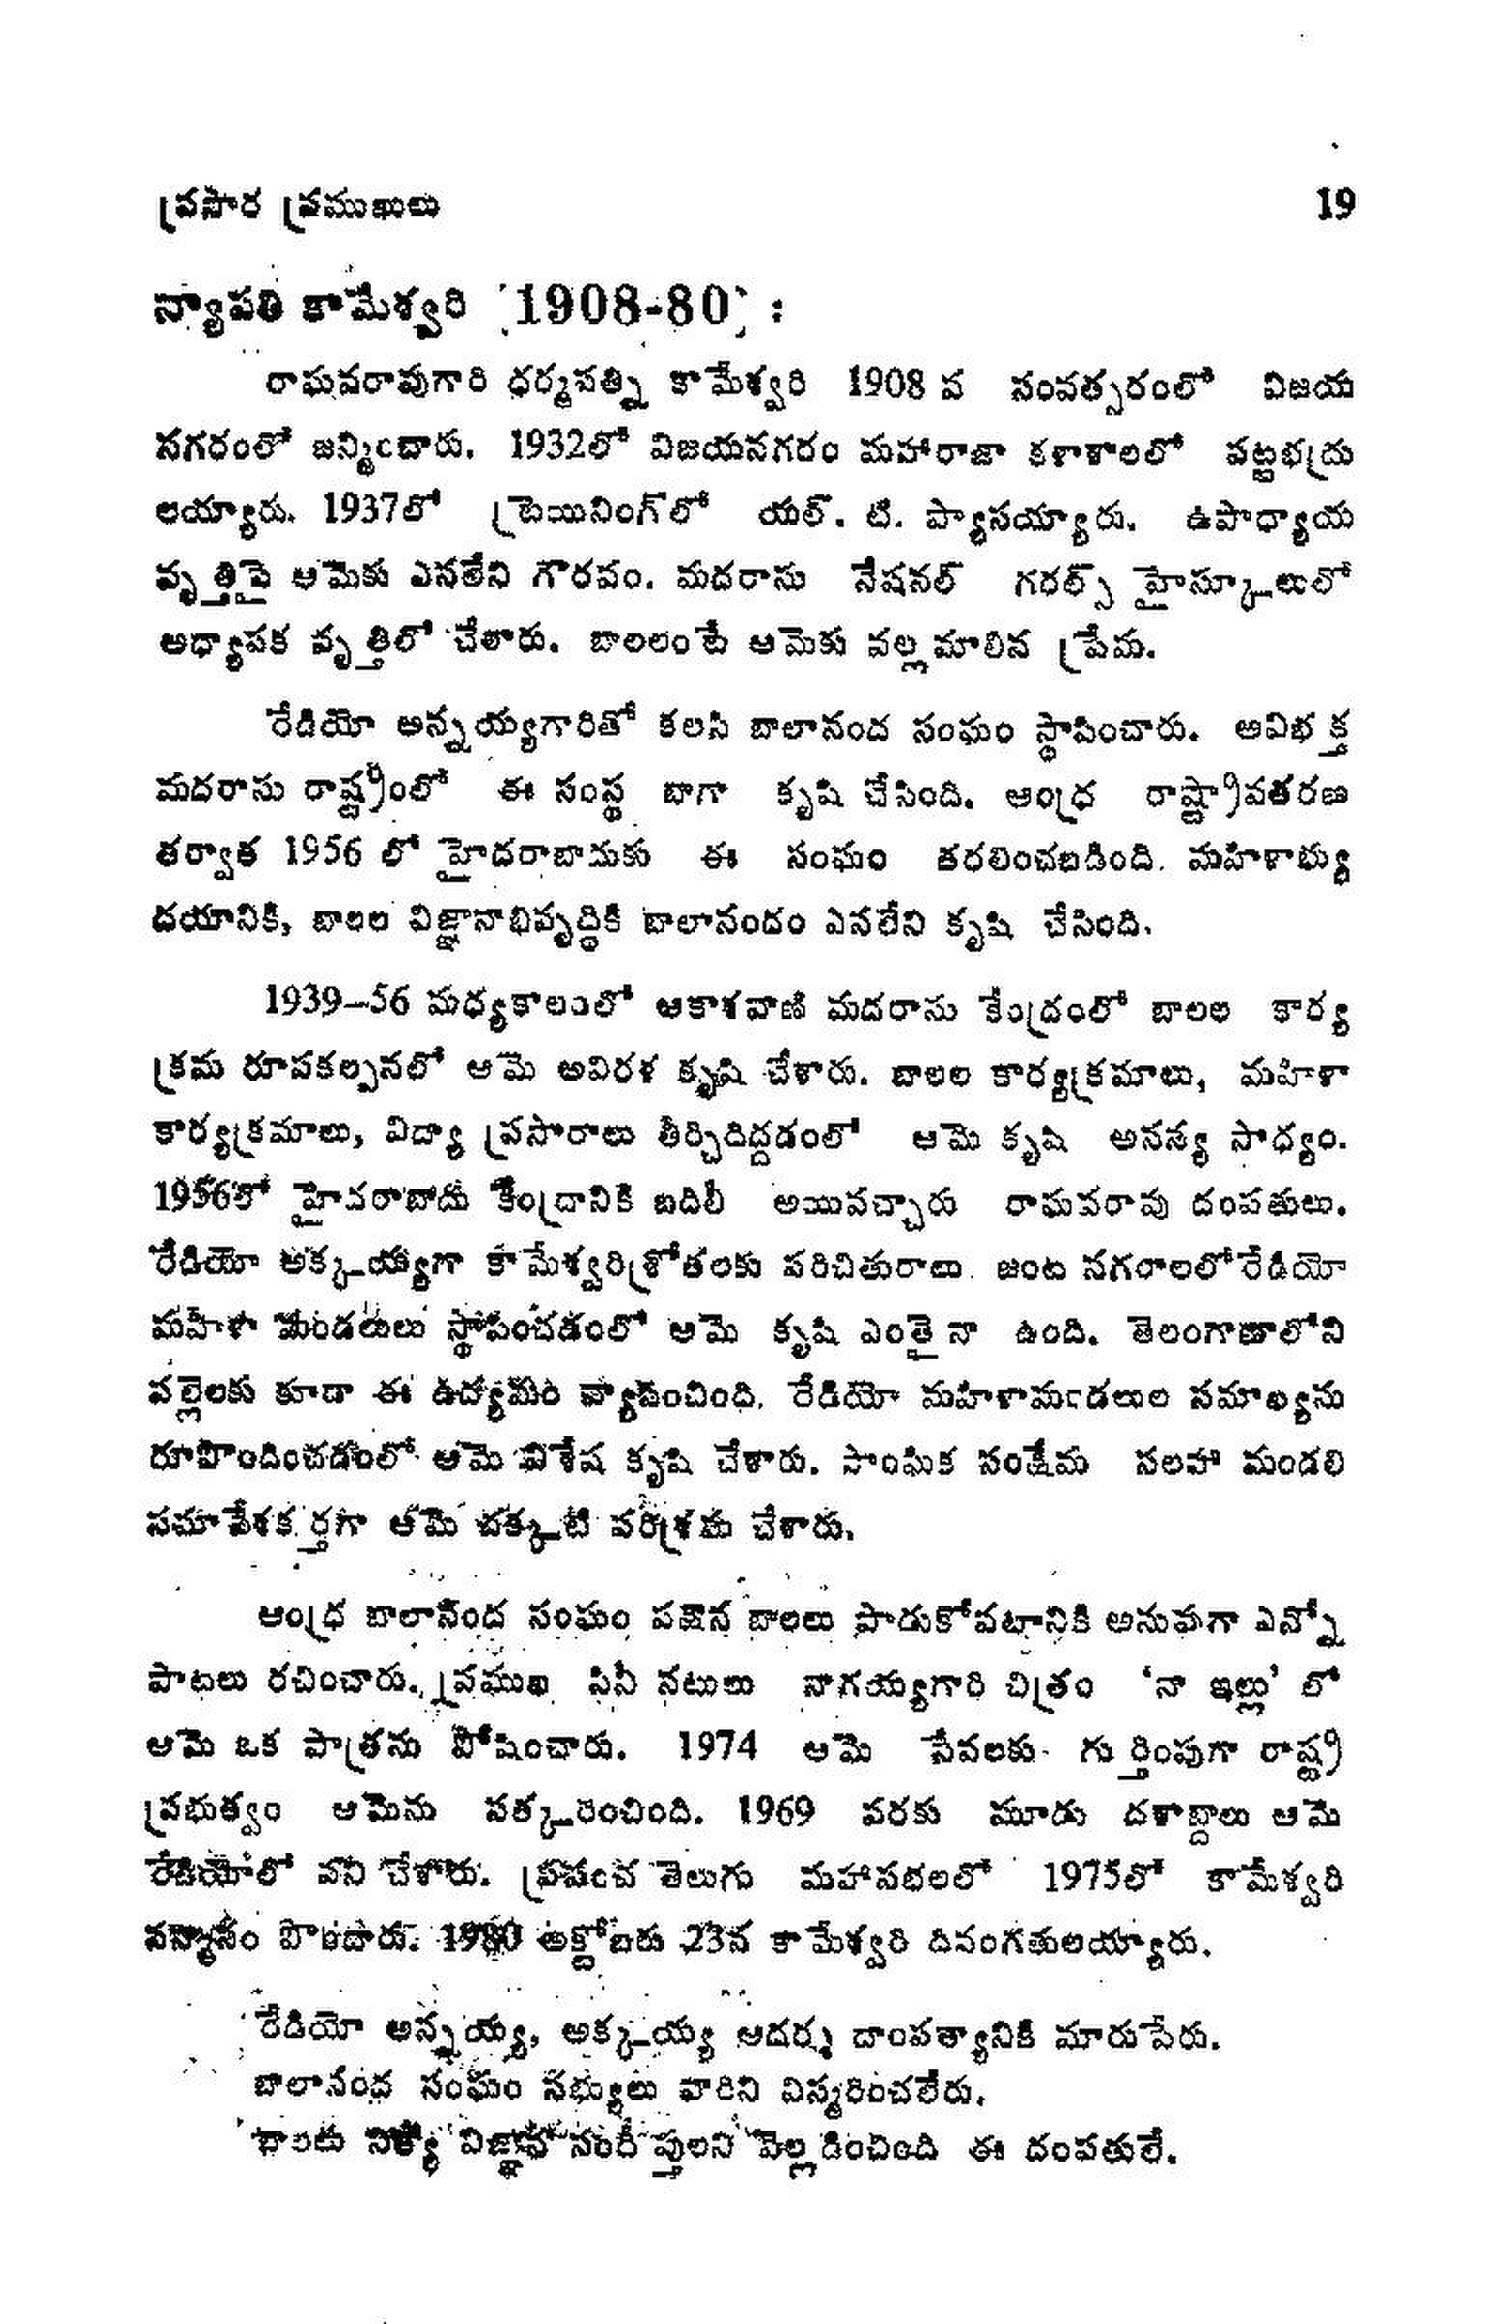న్యాపతి కామేశ్వరి (1908-80) 

రాఘవరావుగారి ధర్మపత్ని కామేశ్వరి 1908 వ సంవత్సరంలో విజయనగరంలో జన్మించారు. 1932లో విజయనగరం మహారాజా కళాశాలలో పట్టభద్రులయ్యారు. 1937లో ట్రెయినింగ్ లో యల్. టి. ప్యాసయ్యారు. ఉపాధ్యాయ వృత్తిపై ఆమెకు ఎనలేని గౌరవం. మదరాసు నేషనల్ గరల్స్ హైస్కూలులో అధ్యాపక వృత్తిలో చేశారు. బాలలంటే ఆమెకు వల్లమాలిన ప్రేమ.

రేడియో అన్నయ్యగారితో కలసి బాలానంద సంఘం స్థాపించారు. అవిభక్త మదరాసు రాష్ట్రంలో ఈ సంస్థ బాగా కృషి చేసింది. ఆంధ్ర రాష్ట్రావతరన తర్వాత 1956 లో హైదరాబాదుకు ఈ సంఘం తరలించబడింది. మహిళాభ్యుదయానికి, బాలల విజ్ఞానాభివృద్ధికి బాలానందం ఎనలేని కృషి చేసింది.

1939-56 మధ్యకాలంలో ఆకాశవాణి మదరాసు కేంద్రంలో బాలల కార్యక్రమ రూపకల్పనలో ఆమె అవిరళ కృషి చేశారు. బాలల కార్యక్రమాలు, మహిళా కార్యక్రమాలు, విద్యా ప్రసారాలు తీర్చిదిద్దడంలో ఆమె కృషి అనన్య సాధ్యం. 1956లో హైదరాబాదు కేంద్రానికి బదిలీ అయివచ్చారు రాఘవరావు దంపతులు. రేడియో అక్కయ్యగా కామేశ్వరి శ్రోతలకు పరిచితురాలు. జంట నగరాలలో రేడియో మహిళా మండలులు స్థాపించడంలో ఆమె కృషి ఎంతైనా ఉంది. తెలంగాణాలోని పల్లెలకు కూడా ఈ ఉద్యమం వ్యాపించింది. రేడియో మహిళామండలుల సమాఖ్యను రూపొందించడంలో ఆమె విశేష కృషి చేశారు. సాంఘిక సంక్షేమ సలహా మండలి సమావేశకర్తగా ఆమె చక్కటి పరిశ్రమ చేశారు. 

ఆంధ్ర బాలానంద సంఘం పక్షాన బాలలు పాడుకోవటానికి అనువుగా ఎన్నో పాటలు రచించారు. ప్రముఖ సినీ నటులు నాగయ్యగారి చిత్రం ' నా ఇల్లు ' లో ఆమె ఒక పాత్రను పోషించారు. 1974 ఆమె సేవలకు గుర్తింపుగా రాష్ట్ర ప్రభుత్వం ఆమెను సత్కరించింది. 1969 వరకు మూడు దశాబ్దాలు ఆమె రేడియోలో పని చేశారు. ప్రపంచ తెలుగు మహాసభలలో 1975లో కామేశ్వరి సన్మానం పొందారు. 1980 అక్టోబరు 23న కామేశ్వరి దివంగతులయ్యారు.

రేడియో అన్నయ్య, అక్కయ్య ఆదర్శ దాంపత్యానికి మారుపేరు.

బాలానంద సంఘం సభ్యులు వారిని విస్మరించలేరు.

బాలలు నిత్య విజ్ఞాన సందీప్తులని వెల్లడించింది ఈ దంపతులే.